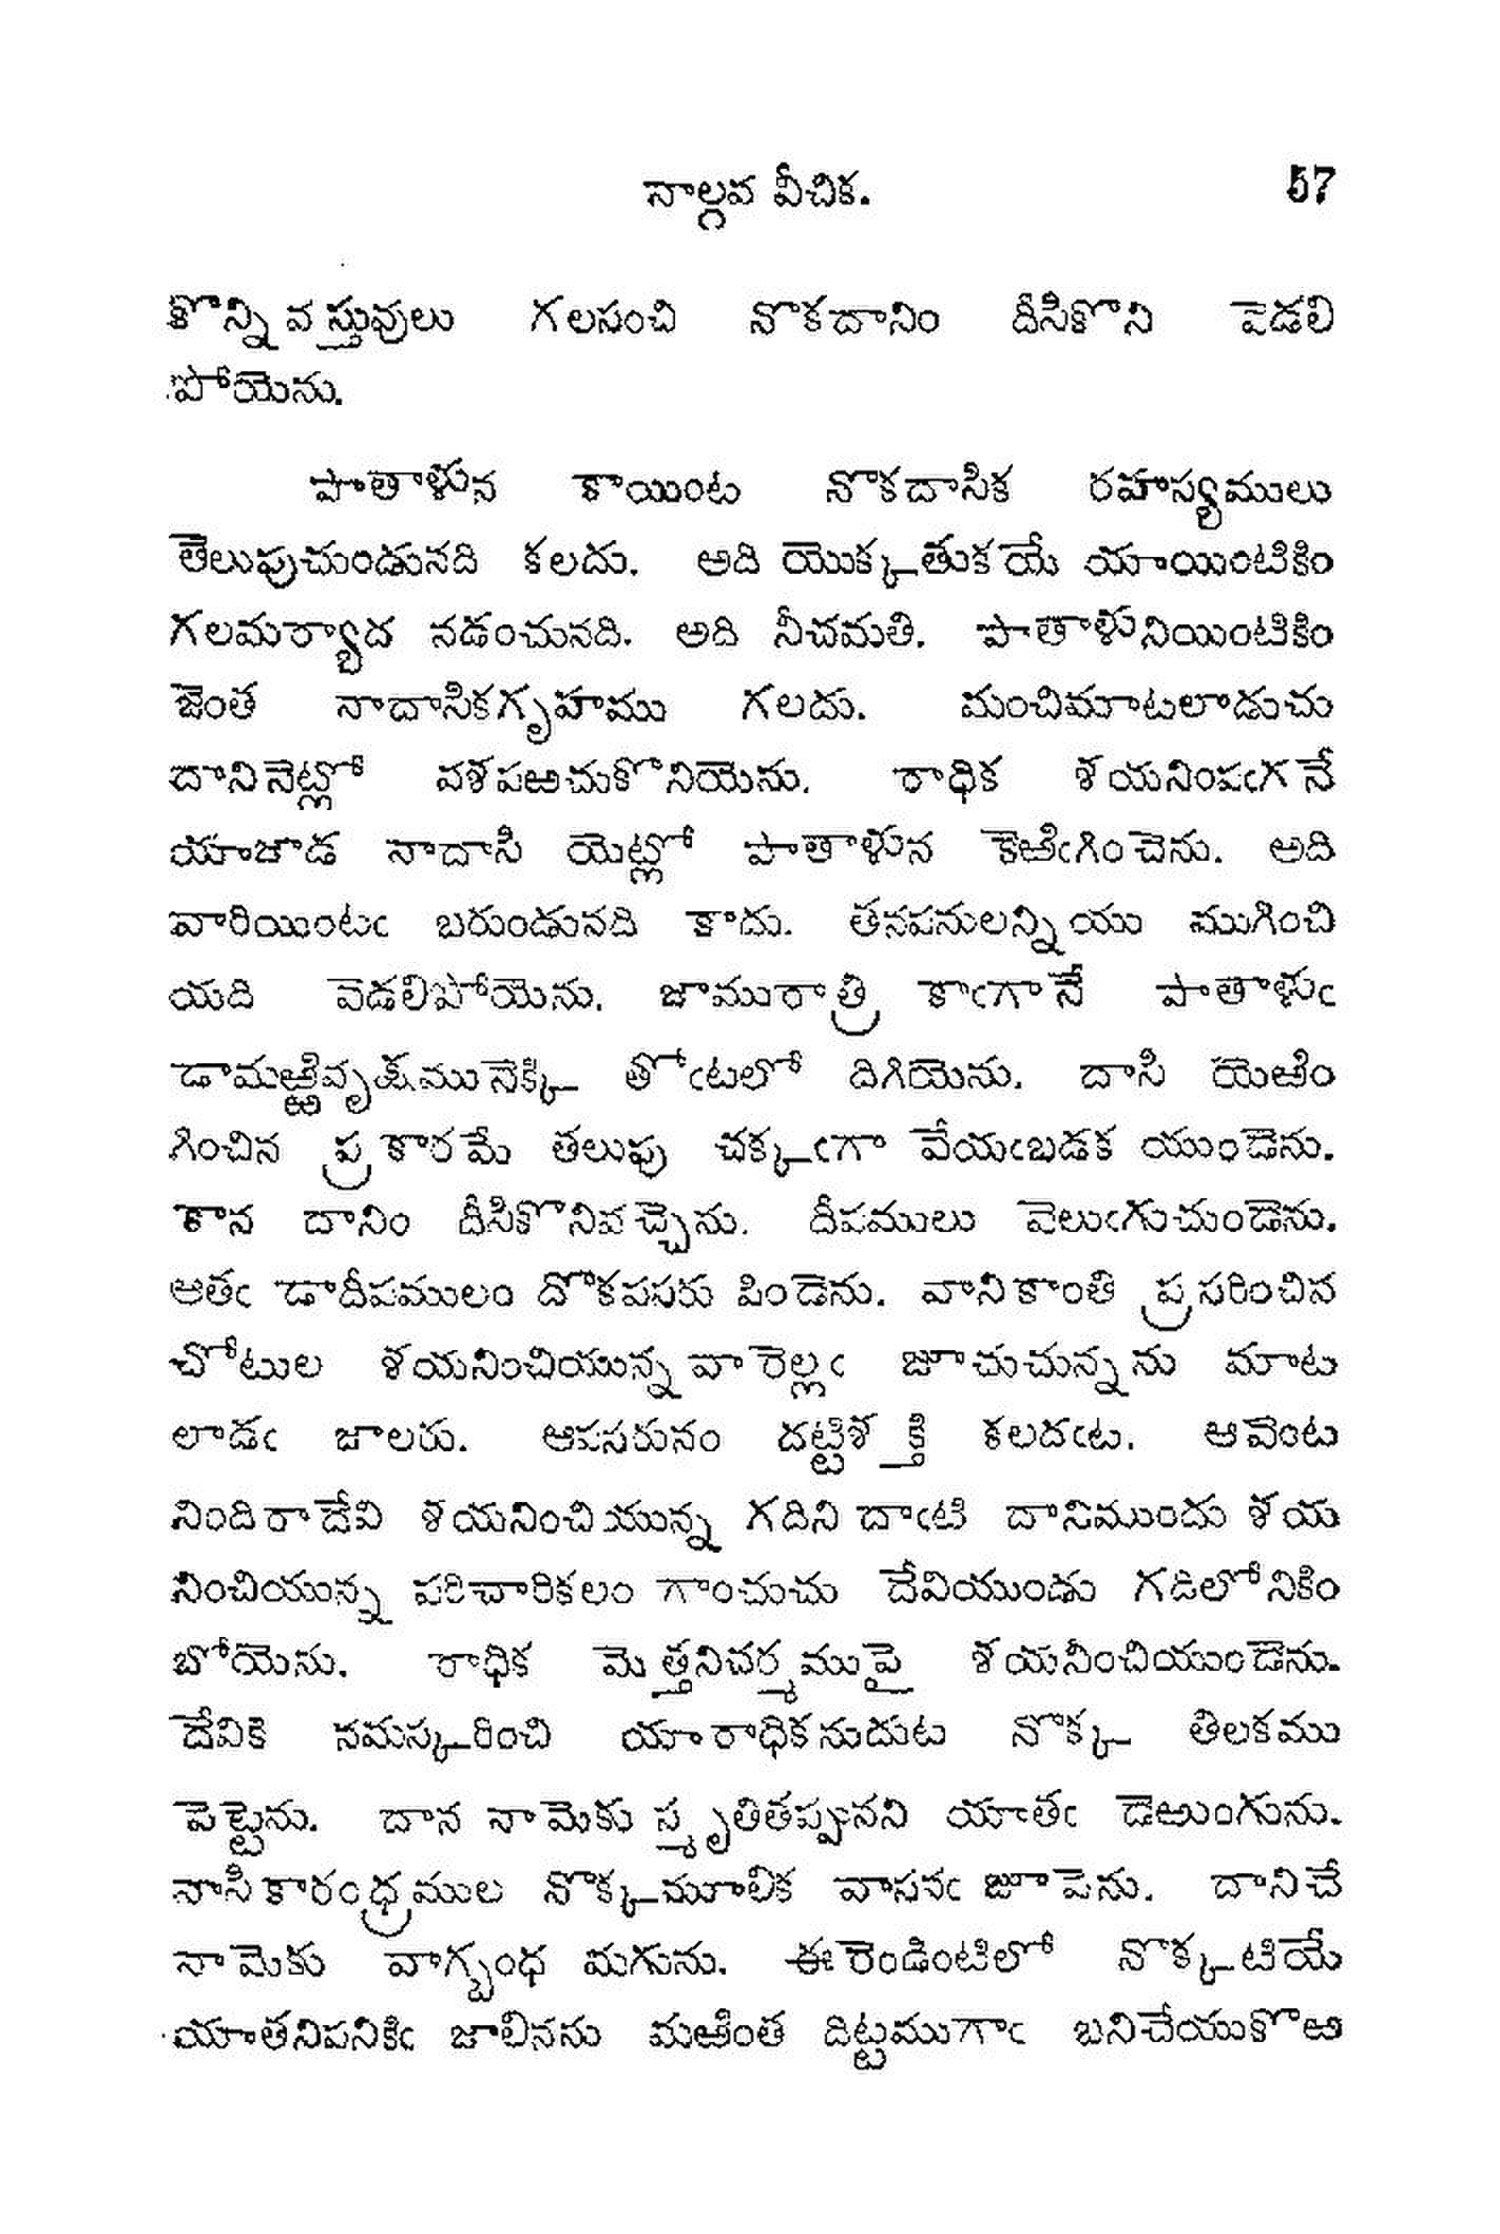కొన్ని వస్తువులు గలసంచి నొకదానిం దీసికొని వెడలి పోయెను.

పాతాళున కాయింట నొకదాసిక రహస్యములు తెలుపుచుండునది కలదు. అది యొక్కతుకయే యాయింటికిం గలమర్యాద నడంచునది. అది నీచమతి. పాతాళునియింటికిం జెంత నాదాసికగృహము గలదు. మంచిమాటలాడుచు దానినేట్లో వశపఱచుకొనియెను. రాధిక శయనింపఁగనే యాజాడ నాదాసీ యెట్లో పాతాళున కెఱిఁగించెను. అది వారియింటఁ బరుండునది కాదు. తనపనులన్నియు ముగించి యది వెడలిపోయెను. జామురాత్రి, కాఁగానే పాతాళుఁ డామఱ్ఱివృక్షము నెక్కి తోటలో దిగియెను. దాసి యేఱిం గించిన ప్రకారమే తలుపు చక్కఁగా వేయఁబడక యుండెను. కాన దానిం దీసికొనివచ్చెను. దీపములు వెలుఁగుచుండెను. అతఁ డాదీపములం దొకపసరు పిండెను. వాని కాంతి ప్రసరించిన చోటుల శయనించియున్న వారెల్లఁ జూచుచున్నను మాట లాడఁ జాలరు. ఆపసరునం దట్టిశక్తి కలదఁట. ఆవెంట నిందిరాదేవి శయనించియున్న గదిని దాఁటి దానిముందు శయ నించియున్న పరిచారికలం గాంచుచు దేవియుండు గదిలో నికిం బోయెను. రాధిక మెత్తనిచర్మముపై శయనించియుండెను. దేవికి నమస్కరించి యారాధిక నుదుట నొక్క తిలకము పెట్టెను. దాన నామెకు సృతితప్పునని యాతఁ డెఱుంగును. నాసికారంధ్రముల నొక్క మూలిక వాసనఁ జూపెను. దానిచే నామెకు వాగ్బంధ మగును. ఈ రెండింటిలో నొక్కటియే యాతనిపనికిఁ జాలినను మఱింత దిట్టముగాఁ బనిచేయుకొఱ